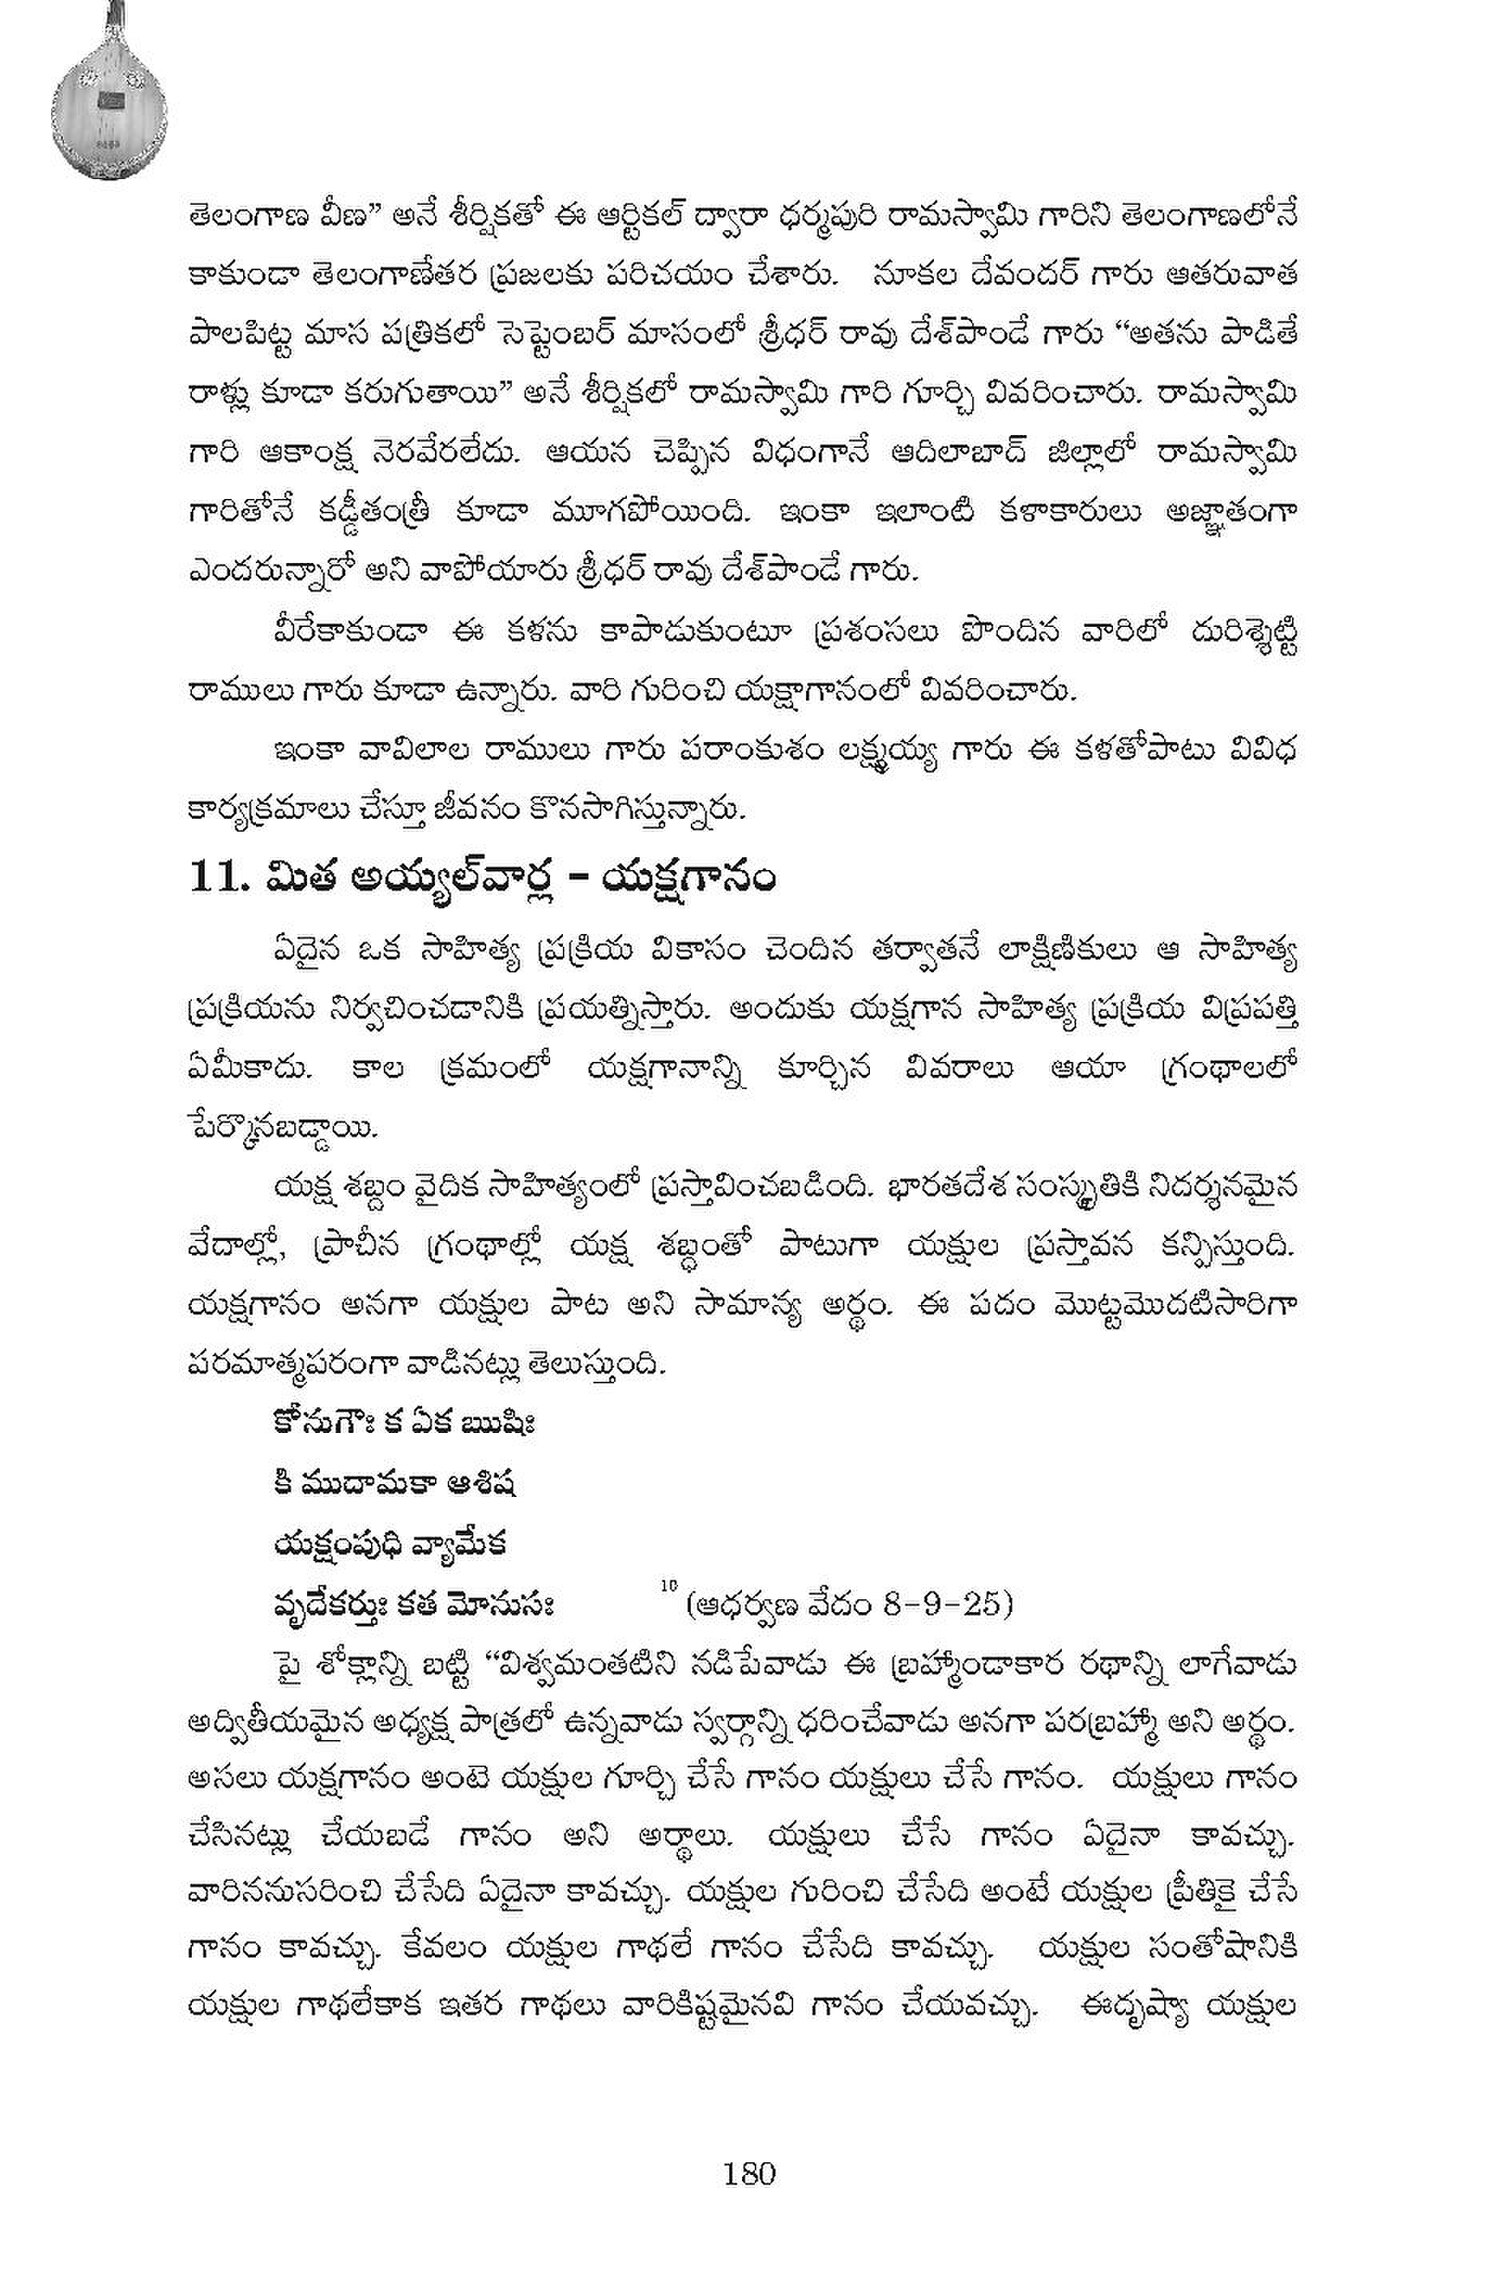తెలంగాణ వీణ” అనే శీర్షికతో ఈ ఆర్టికల్ ద్వారా ధర్మపురి రామస్వామి గారిని తెలంగాణలోనే కాకుండా తెలంగాణేతర ప్రజలకు పరిచయం చేశారు. నూకల దేవందర్ గారు ఆతరువాత పాలపిట్ట మాస పత్రికలో సెప్టెంబర్ మాసంలో శ్రీధర్ రావు దేశ్పాండే గారు “అతను పాడితే రాళ్లు కూడా కరుగుతాయి" అనే శీర్షికలో రామస్వామి గారి గూర్చి వివరించారు. రామస్వామి
గారి ఆకాంక్ష నెరవేరలేదు. ఆయన చెప్పిన విధంగానే ఆదిలాబాద్ జిల్లాలో రామస్వామి గారితోనే కడ్డీతంత్రీ కూడా మూగపోయింది. ఇంకా ఇలాంటి కళాకారులు అజ్ఞాతంగా ఎందరున్నారో అని వాపోయారు శ్రీధర్ రావు దేశ్ పాండే గారు.

వీరేకాకుండా ఈ కళను కాపాడుకుంటూ ప్రశంసలు పొందిన వారిలో దురిశ్శెట్టి రాములు గారు కూడా ఉన్నారు. వారి గురించి యక్షగానంలో వివరించారు.

ఇంకా వావిలాల రాములు గారు పరాంకుశం లక్ష్మయ్య గారు ఈ కళతోపాటు వివిధ కార్యక్రమాలు చేస్తూ జీవనం కొనసాగిస్తున్నారు.

11. మిత అయ్యల్వార్ల - యక్షగానం 

ఏదైన ఒక సాహిత్య ప్రక్రియ వికాసం చెందిన తర్వాతనే లాక్షణికులు ఆ సాహిత్య ప్రక్రియను నిర్వచించడానికి ప్రయత్నిస్తారు. అందుకు యక్షగాన సాహిత్య ప్రక్రియ విప్రపత్తి ఏమీకాదు. కాల క్రమంలో యక్షగానాన్ని కూర్చిన వివరాలు ఆయా గ్రంథాలలో పేర్కొనబడ్డాయి.

యక్ష శబ్దం వైదిక సాహిత్యంలో ప్రస్తావించబడింది. భారతదేశ సంస్కృతికి నిదర్శనమైన వేదాల్లో, ప్రాచీన గ్రంథాల్లో యక్ష శబ్దంతో పాటుగా యక్షుల ప్రస్తావన కన్పిస్తుంది. యక్షగానం అనగా యక్షులు పాట అని సామాన్య అర్థం. ఈ పదం మొట్టమొదటిసారిగా పరమాత్మపరంగా వాడినట్లు తెలుస్తుంది.

కోనుగౌః క ఏక ఋషిః
కి ముదామకా ఆశిష
యక్షంపుధి వ్యామేక
వృదేకర్తుః కత మోనుసః (ఆధర్వణ వేదం 8-9-25)

పై శోక్లాన్ని బట్టి "విశ్వమంతటిని నడిపేవాడు ఈ బ్రహ్మాండాకార రథాన్ని లాగేవాడు అద్వితీయమైన అధ్యక్ష పాత్రలో ఉన్నవాడు స్వర్గాన్ని ధరించేవాడు అనగా పరబ్రహ్మా అని అర్థం. అసలు యక్షగానం అంటె యక్షుల గూర్చి చేసే గానం యక్షులు చేసే గానం. యక్షులు గానం చేసినట్లు చేయబడే గానం అని అర్థాలు. యక్షులు చేసే గానం ఏదైనా కావచ్చు.
వారిననుసరించి చేసేది ఏదైనా కావచ్చు. యక్షుల గురించి చేసేది అంటే యక్షుల ప్రీతికై చేసే గానం కావచ్చు. కేవలం యక్షుల గాథలే గానం చేసేది కావచ్చు. యక్షుల సంతోషానికి యక్షుల గాథలేకాక ఇతర గాథలు వారికిష్టమైనవి గానం చేయవచ్చు. ఈదృష్యా యక్షుల